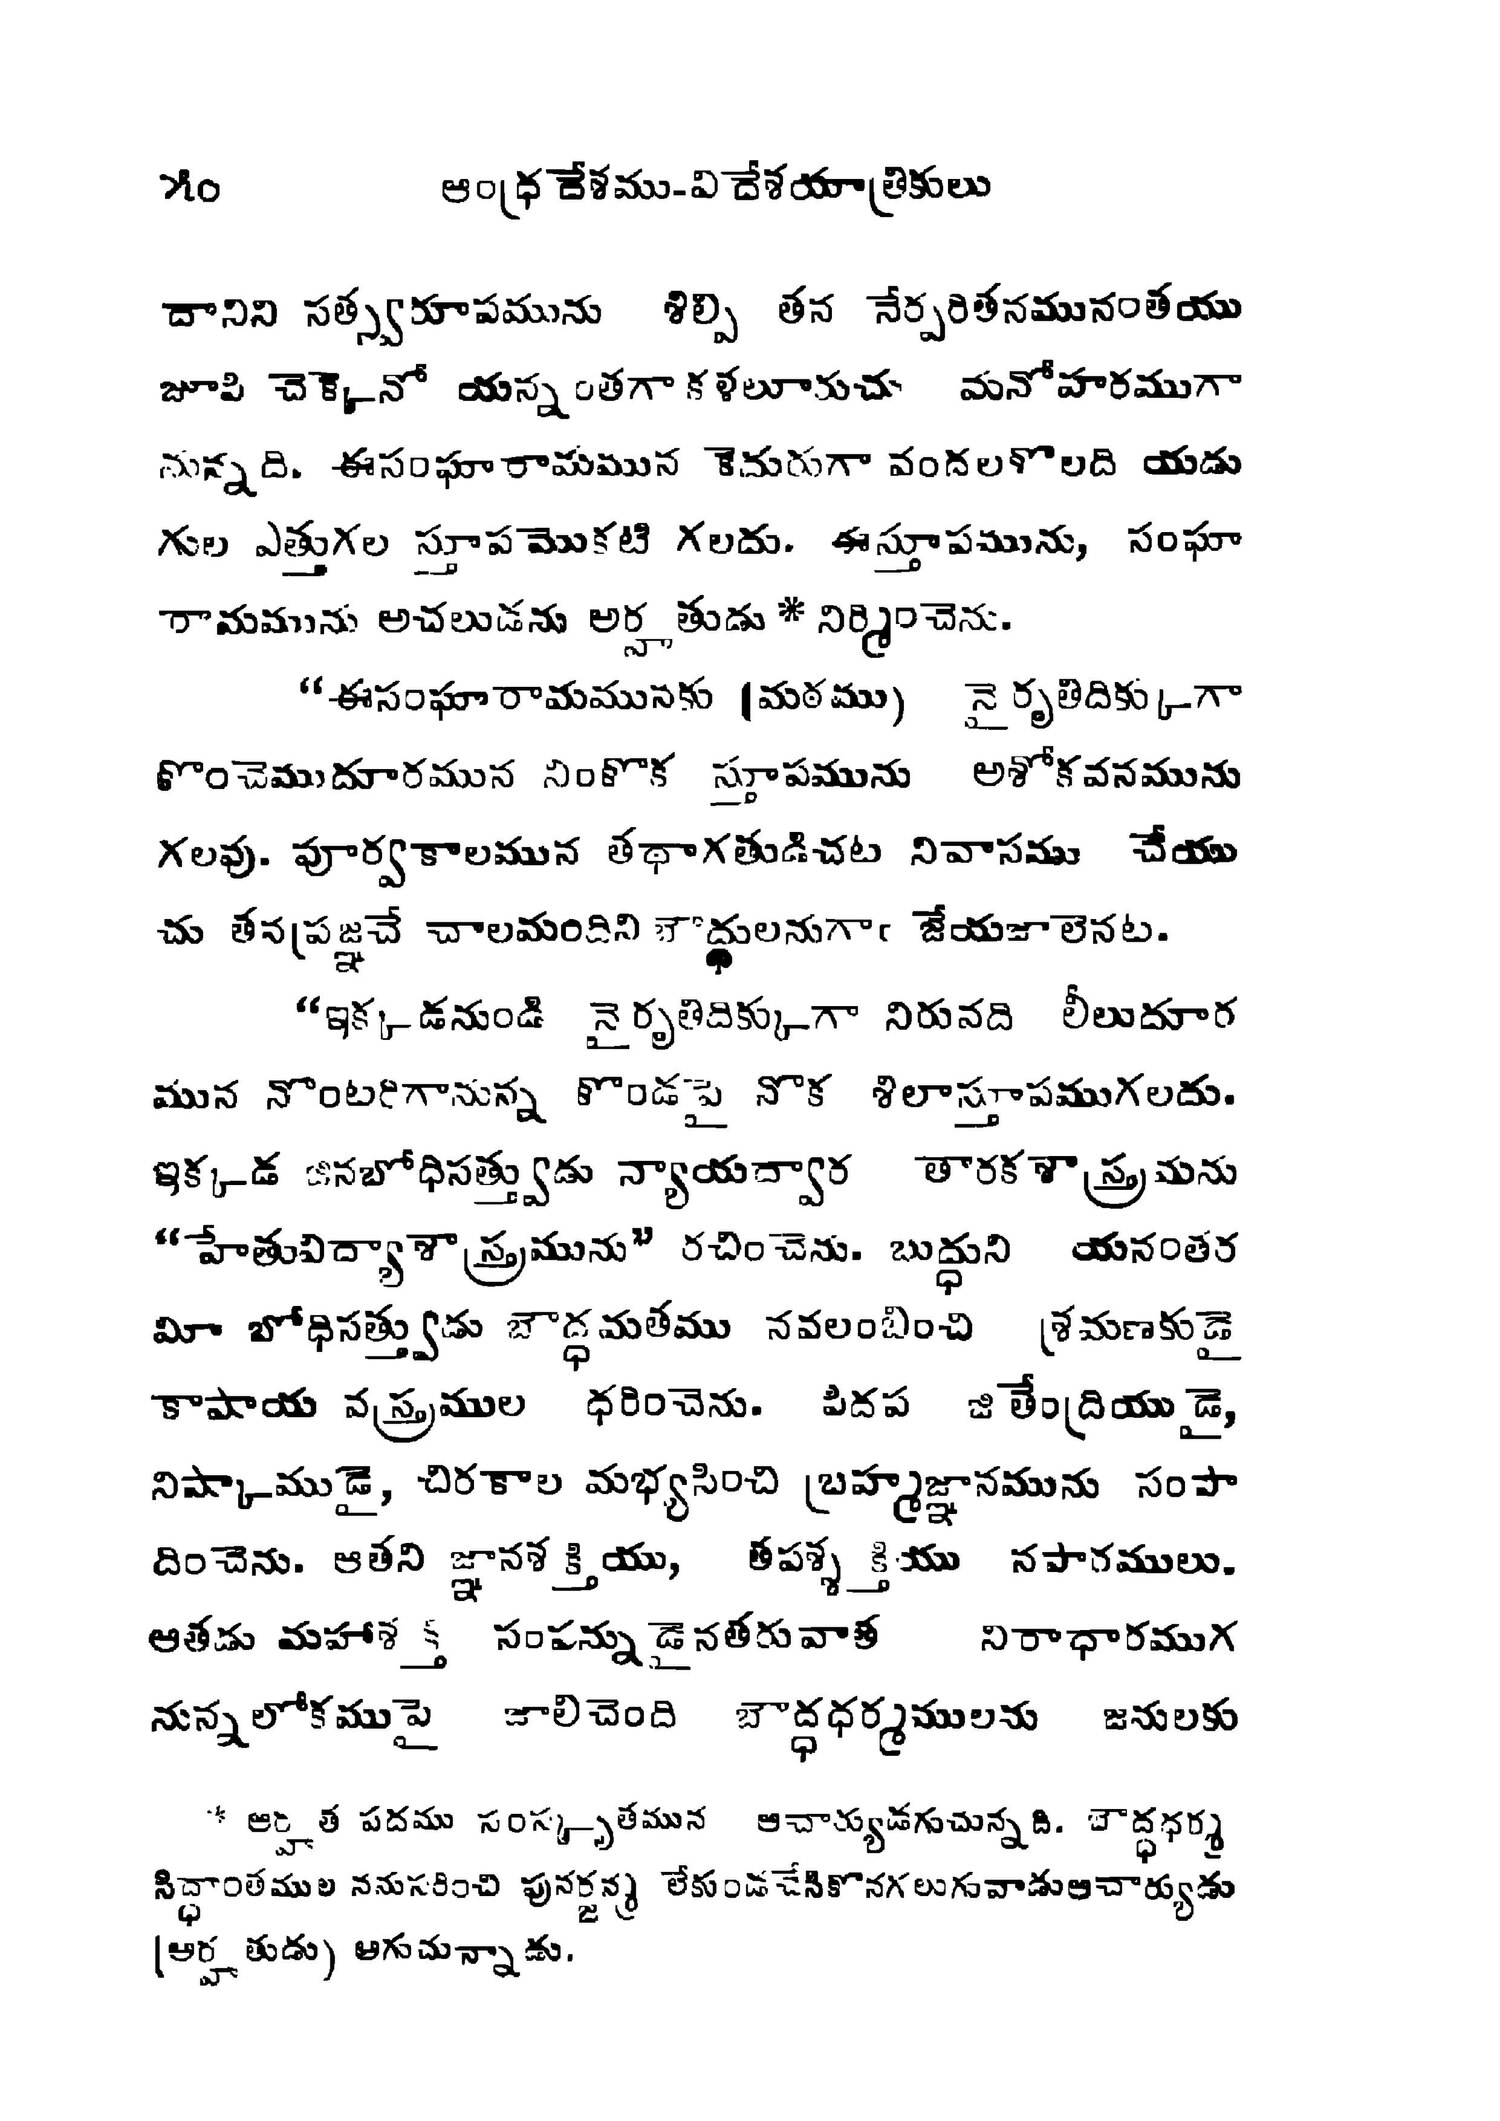దానిని సత్స్వరూపమును శిల్పి తన నేర్పరితనమునంతయు జూపి చెక్కెనో యన్నంతగా కళలూరుచు మనోహరముగా నున్నది. ఈసంఘారామమున కెదురుగా వందలకొలది యడుగుల ఎత్తుగల స్తూపమొకటి గలదు. ఈస్తూపమును, సంఘారామమును అచలుడను అర్హతుడు నిర్మించెను.

"ఈసంఘారామమునకు (మఠము) నైరృతిదిక్కుగా కొంచెముదూరమున నింకొక స్తూపమును అశోకవనమును గలవు. పూర్వకాలమున తథాగతుడిచట నివాసము చేయుచు తనప్రజ్ఞచే చాలమందిని బౌద్ధులనుగా జేయజాలెనట.

"ఇక్కడనుండి నైరృతిదిక్కుగా నిరువది లీలుదూరమున నొంటరిగానున్న కొండపై నొక శిలాస్తూపముగలదు. ఇక్కడ జినబోధిసత్త్వుడు న్యాయద్వార తారకశాస్త్రమను "హేతువిద్యాశాస్త్రమును" రచించెను. బుద్ధుని యనంతర మీ బోధిసత్త్వుడు బౌద్ధమతము నవలబించి శ్రమణకుడై, కాషాయ వస్త్రముల ధరించెను. పిదప జితేంద్రియుడై, నిష్కాముడై, చిరకాల మభ్యసించి బ్రహ్మజ్ఞానమును సంపాదించెను. అతని జ్ఞానశక్తియు, తపశ్శక్తియు నపారములు. అతడు మహాశక్తి సంపన్నుడైనతరువాత నిరాధారముగ నున్నలోకముపై జాలిచెంది బౌద్ధధర్మములను జనులకు